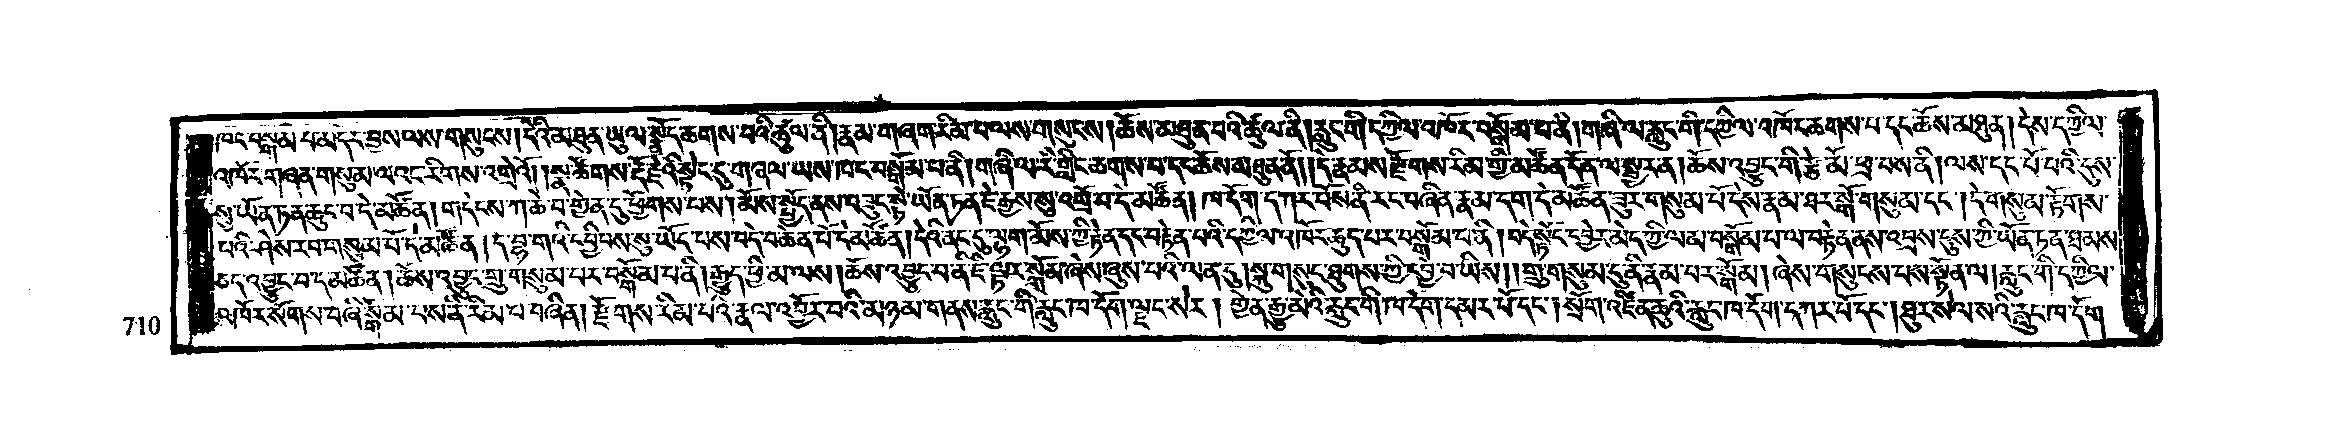ཁང་བསྒོམ་པ་མདོར་བྱས་ལས་གསུངས། དེའི་མཐུན་ཡུལ་སྣོད་ཆགས་པའི་ཚུལ་ནི། རྣམ་གཞག་རིམ་པ་ལས་གསུངས། ཆོས་མཐུན་པའི་ཚུལ་ནི། རླུང་གི་དཀྱིལ་འཁོར་བསྒོམ་པ་ནི། གཞི་ལ་རླུང་གི་དཀྱིལ་འཁོར་ཆགས་པ་དང་ཆོས་མཐུན། དེས་དཀྱིལ་
འཁོར་གཞན་གསུམ་ལའང་རིགས་འགྲེའོ། །སྣ་ཚོགས་རྡོ་རྗེའི་སྟེང་དུ་གཞལ་ཡས་ཁང་བསྒོམ་པ་ནི། གཞི་ལ་རི་གླིང་ཆགས་པ་དང་ཆོས་མཐུན་ནོ། །དེ་རྣམས་རྫོགས་རིམ་གྱི་མཚོན་དོན་ལ་སྦྱར་ན། ཆོས་འབྱུང་གི་རྩེ་མོ་ཕྲ་བས་ནི། ལས་དང་པོ་པའི་དུས་
སུ་ཡོན་ཏན་ཆུང་བ་དེ་མཚོན། གདེངས་ཀ་ཆེ་བ་གྱེན་དུ་ཕྱོགས་པས། མོས་སྤྱོད་ནས་བཟུང་སྟེ་ཡོན་ཏན་ཇེ་རྒྱས་སུ་འགྲོ་བ་དེ་མཚོན། ཁ་དོག་དཀར་པོས་ནི་རང་བཞིན་རྣམ་དག་དེ་མཚོན་ཟུར་གསུམ་པོ་དེས་རྣམ་ཐར་སྒོ་གསུམ་དང་། དེ་གསུམ་རྟོགས་
པའི་ཤེས་རབ་གསུམ་པོ་དེ་མཚོན། ད་བྷ་གའི་དབྱིབས་སུ་ཡོད་པས་བདེ་བ་ཆེན་པོ་དེ་མཚོན། དེའི་ནང་དུ་ལྷག་མོས་ཀྱི་རྟེན་དང་བརྟེན་པའི་དཀྱིལ་འཁོར་ཆུད་པར་བསྒོམ་པ་ནི། བདེ་སྟོང་དབྱེར་མེད་ཀྱི་ལམ་བསྒོམ་པ་ལ་བརྟེན་ནས་འབྲས་དུས་ཀྱི་ཡོན་ཏན་ཐམས་
ཅད་འབྱུང་བ་ད་མཚོན། ཆོས་འབྱུང་གྲུ་གསུམ་པར་བསྒོམ་པ་ནི། རྒྱུད་ཕྱི་མ་ལས། ཆོས་འབྱུང་བ་ནི་ཇི་ལྟར་སྒོམ་ཞེས་ཞུས་པའི་ལན་དུ། སྐུ་གསུང་ཐུགས་ཀྱི་དབྱེ་བ་ཡིས། །གྲུ་གསུམ་དུ་ནི་རྣམ་པར་སྒོམ། ཞེས་གསུངས་པས་སྟོན་ལ། རླུང་གི་དཀྱིལ་
འཁོར་སོགས་བཞི་སྒོམ་པས་ནི་རིམ་པ་བཞིན། རྫོགས་རིམ་པའི་རྣལ་འབྱོར་པའི་མཉམ་གནས་རླུང་གི་རླུང་ཁ་དོག་ལྗང་སེར། གྱེན་རྒྱུ་མེའི་རླུང་གི་ཁ་དོག་དམར་པོ་དང་། སྲོག་འཛིན་ཆུའི་རླུང་ཁ་དོག་དཀར་པོ་དང་། ཐུར་སེལ་སའི་རླུང་ཁ་དོག་